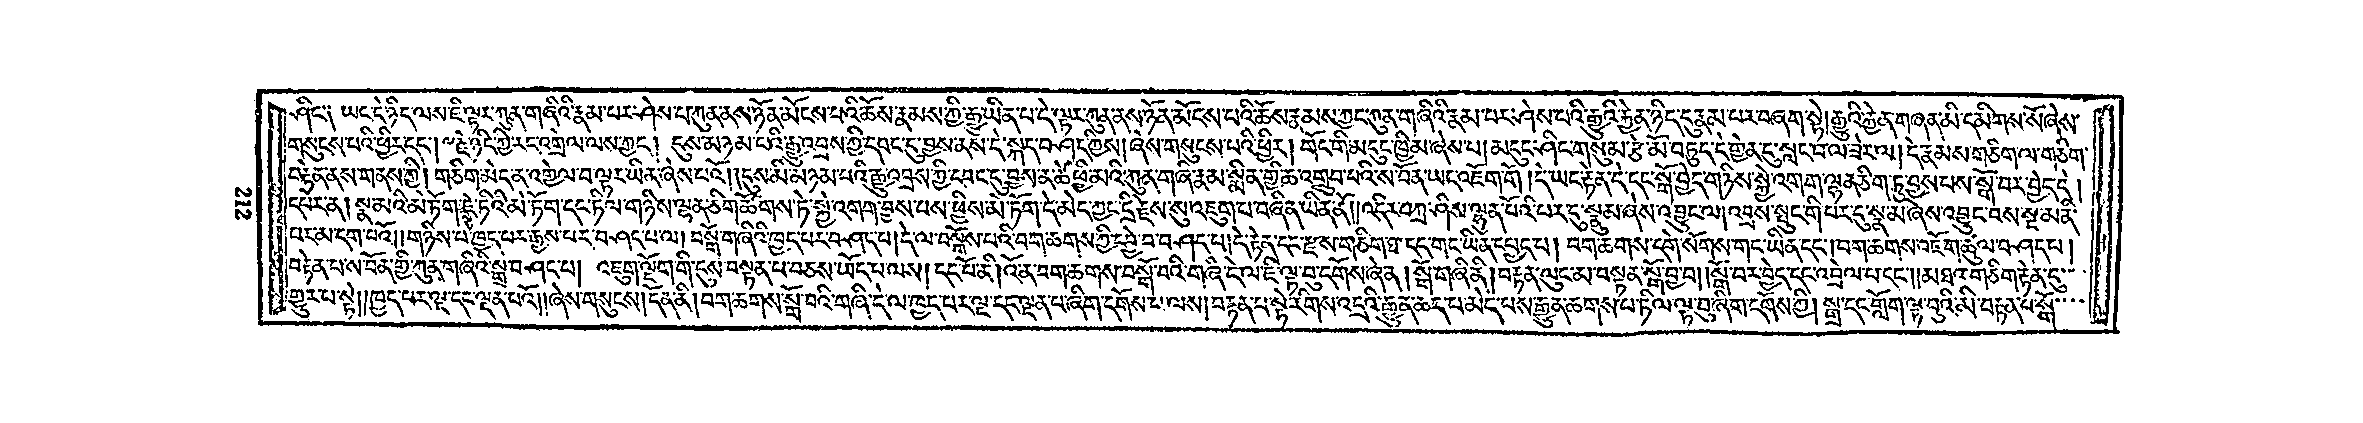ཤིང་། ཡང་དེ་ཉིད་ལས་ཇི་ལྟར་ཀུན་གཞིའི་རྣམ་པར་ཤེས་པ་ཀུན་ནས་ཉོན་མོངས་པའི་ཆོས་རྣམས་ཀྱི་རྒྱུ་ཡིན་པ་དེ་ལྟར་ཀུན་ནས་ཉོན་མོངས་པའི་ཆོས་རྣམས་ཀྱང་ཀུན་གཞིའི་རྣམ་པར་ཤེས་པའི་རྒྱུའི་རྐྱེན་ཉིད་དུ་རྣམ་པར་བཞག་སྟེ། རྒྱུའི་རྐྱེན་གཞན་མི་དམིགས་སོ་ཞེས་
གསུངས་པའི་ཕྱིར་དང་། རྗེ་ཉིད་ཀྱི་རང་འགྲེལ་ལས་ཀྱང་། དུས་མཉམ་པའི་རྒྱུ་འབྲས་ཀྱི་དབང་དུ་བྱས་ནས་དེ་སྐད་བཤད་ཀྱིས། ཞེས་གསུངས་པའི་ཕྱིར། གོང་གི་མདུང་ཁྱིམ་ཞེས་པ། མདུང་ཤིང་གསུམ་རྩེ་མོ་བཏུད་དེ་གྱེན་དུ་སླང་བ་ལ་ཟེར་ལ། དེ་རྣམས་གཅིག་ལ་གཅིག་
བརྟེན་ནས་གནས་ཀྱི། གཅིག་མེད་ན་འགྱེལ་བ་ལྟར་ཡིན་ཞེས་པའོ། །དུས་མི་མཉམ་པའི་རྒྱུ་འབྲས་ཀྱི་དབང་དུ་བྱས་ན་ཚེ་ཕྱི་མའི་ཀུན་གཞི་རྣམ་སྨིན་གྱི་ཆ་འགྲུབ་པའི་ས་བོན་ཡང་འཇོག་གོ །དེ་ཡང་རྟེན་དེ་དང་སྒོ་བྱེད་གཉིས་སྐྱེ་འགག་ལྷན་ཅིག་ཏུ་བྱས་པས་སྒོ་བར་བྱེད་དེ།
དཔེར་ན། སྣ་མའི་མེ་ཏོག་སྟེ་ཇེ་ཏིའི་མེ་ཏོག་དང་ཏིལ་གཉིས་ལྷན་ཅིག་ཚོགས་ཏེ་སྐྱེ་འགག་བྱས་པས་ཕྱིས་མེ་ཏོག་དེ་མེད་ཀྱང་དྲི་རྗེས་སུ་འཇུག་པ་བཞིན་ཡིན་ནོ། །འདིར་བཀྲ་ཤིས་ལྷུན་པོའི་པར་དུ་སྣུམ་ཞེས་འབྱུང་ལ། འབྲས་སྤུང་གི་པར་དུ་སྣ་མ་ཞེས་འབྱུང་བས་སྔ་མ་ནི་
པར་མ་དག་པའོ། །གཉིས་པ་ཁྱད་པར་རྒྱས་པར་བཤད་པ་ལ། བསྒོ་གཞིའི་ཁྱད་པར་བཤད་པ། དེ་ལ་བསྒོས་པའི་བག་ཆགས་ཀྱི་དབྱེ་བ་བཤད་པ། དེ་རྟེན་དང་རྫས་གཅིག་ཐ་དད་གང་ཡིན་དཔྱད་པ། བག་ཆགས་དགེ་སོགས་གང་ཡིན་དང་། བག་ཆགས་འཇོག་ཚུལ་བཤད་པ།
བརྟེན་པ་ས་བོན་གྱི་ཀུན་གཞིའི་སྒྲ་བཤད་པ། འཇུག་ལྡོག་གི་དུས་བསྟན་པ་བཅས་ཡོད་པ་ལས། དང་པོ་ནི། འོ་ན་བག་ཆགས་བསྒོ་བའི་གཞི་དེ་ལ་ཇི་ལྟ་བུ་དགོས་ཞེ་ན། སྒོ་གཞི་ནི། བརྟན་ལུང་མ་བསྟན་སྒོ་བྱ་བ། སྒོ་བར་བྱེད་དང་འབྲེལ་པ་དང་། །མཐའ་གཅིག་རྟེན་དུ་
གྱུར་པ་སྟེ། །ཁྱད་པར་ལྔ་དང་ལྡན་པའོ། །ཞེས་གསུངས། དོན་ནི། བག་ཆགས་སྒོ་བའི་གཞི་དེ་ལ་ཁྱད་པར་ལྔ་དང་ལྡན་པ་ཞིག་དགོས་པ་ལས། བརྟན་པ་སྟེ་རིགས་འདྲའི་རྒྱུན་ཆད་པ་མེད་པས་རྒྱུན་ཆགས་པ་ཏིལ་ལྟ་བུ་ཞིག་དགོས་ཀྱི། སྒྲ་དང་གློག་ལྟ་བུའི་མི་བརྟན་པ་སྒོ་